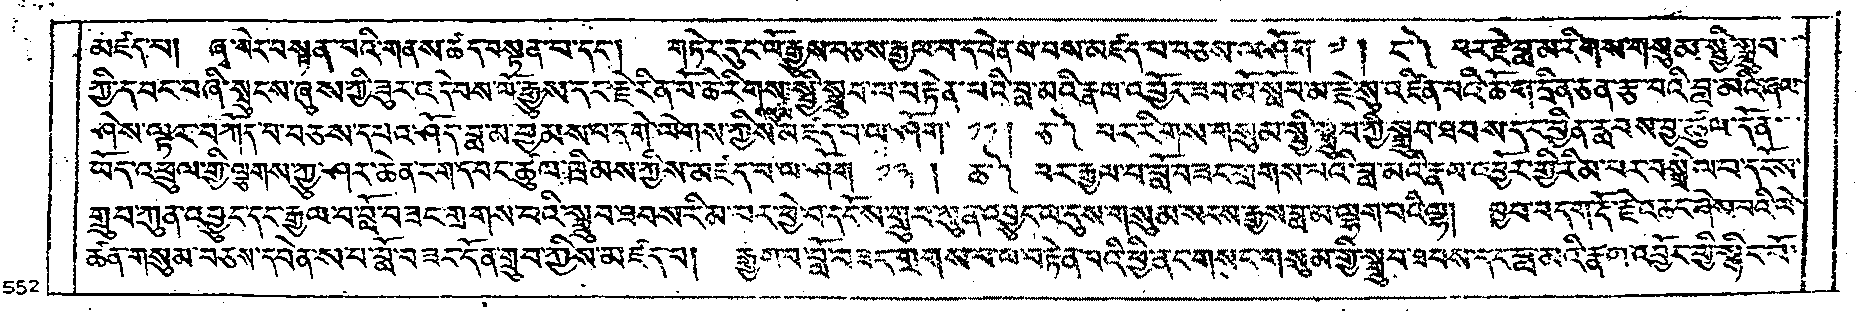མཛད་པ། ཞྭ་སེར་བསྟན་པའི་གནས་ཚད་བསྟན་པ་དང་། གཏེར་དུང་ལོ་རྒྱུས་བཅས་རྒྱལ་བ་དབེན་ས་པས་མཛད་པ་བཅས་ལ་ཤོག ༧། ང྄་པར་རྗེ་བླ་མ་རིགས་གསུམ་སྤྱི་སྒྲུབ་
ཀྱི་དབང་བཞི་སྤུངས་ཞུས་ཀྱི་ཟུར་འདེབས་ལོ་རྒྱུས་དང་རྗེ་རིན་པོ་ཆེ་རིགས་གསུམ་སྤྱི་སྒྲུབ་ལ་བརྟེན་པའི་བླ་མའི་རྣལ་འབྱོར་ཟབ་མོ་སློབ་མ་རྗེ་སུ་འཛིན་པའི་ཆོ་ག་དྲིན་ཅན་རྩ་བའི་བླ་མའི་ཞལ་
ཤེས་ལྟར་བཀོད་པ་བཅས་དཔའ་ཤོད་བླ་མ་བྱམས་པ་དགེ་ལེགས་ཀྱིས་མཛད་པ་ལ་ཤོག ༡༡། ཅ྄་པར་རིགས་གསུམ་སྤྱི་སྒྲུབ་ཀྱི་སྒྲུབ་ཐབས་དང་བྱིན་རླབས་བྱ་ཚུལ་དོན་
ཡོད་འཕྲུལ་གྱི་ལྕགས་ཀྱུ་ཤར་ཆེན་ངག་དབང་ཚུལ་ཁྲིམས་ཀྱིས་མཛད་པ་ལ་ཤོག ༡༣། ཆ྄་བར་རྒྱལ་བ་བློ་བཟང་གྲགས་པའི་བླ་མའི་རྣལ་འབྱོར་གྱི་རིམ་པར་བསྒྲིལ་བ་དངོས་
གྲུབ་ཀུན་འབྱུང་དང་རྒྱལ་བ་བློ་བཟང་གྲགས་པའི་སྒྲུབ་ཐབས་རིམ་པར་ཕྱེ་བ་དངོས་གྲུབ་ཀུན་འབྱུང་ལ་དུས་གསུམ་སངས་རྒྱས་བླ་མ་ལྷག་པའི་ལྷ། ཁྱབ་བདག་རྡོ་རྗེ་འཆང་ཞེས་པའི་ལེ་
ཚན་གསུམ་བཅས་དབེན་ས་པ་བློ་བཟང་དོན་གྲུབ་ཀྱིས་མཛད་པ། རྒྱལ་བ་བློ་བཟང་གྲགས་པ་ལ་བརྟེན་པའི་ཕྱི་ནང་གསང་གསུམ་གྱི་སྒྲུབ་ཐམས་དང་བླ་མའི་རྣལ་འབྱོར་གྱི་སྙིང་པོ་